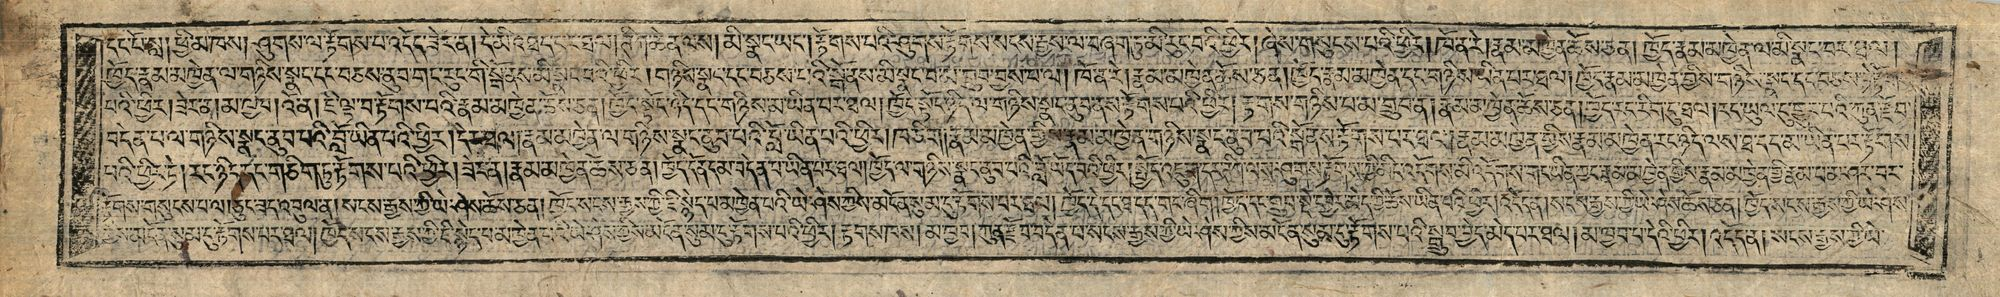དང་པོ་སླ། ཕྱི་མ་ཁས། ཤུགས་ལ་རྟོགས་པ་འདོད་ཟེར་ན། དེ་མི་འཐད་པར་ཐལ། ཊིཀ་ཆེན་ལས། མི་སྣང་ཡང་། རྟོགས་པའི་ཤུགས་རྟོགས་སངས་རྒྱས་ལ་བཞག་ཏུ་མི་རུང་བའི་ཕྱིར། ཞེས་གསུངས་པའི་ཕྱིར། ཁོ་ན་རེ། རྣམ་མཁྱེན་ཆོས་ཅན། ཁྱོད་རྣམ་མཁྱེན་ལ་མི་སྣང་བར་ཐལ།
ཁྱོད་རྣམ་མཁྱེན་ལ་གཉིས་སྣང་དང་བཅས་ནུབ་གང་རུང་གི་སྒོ་ནས་མི་སྣང་བའི་ཕྱིར། གཉིས་སྣང་དང་བཅས་པའི་སྒོ་ནས་མི་སྣང་བ་མ་གྲུབ་བྱས་པ་ལ། ཁོ་ན་རེ། རྣམ་མཁྱེན་ཆོས་ཅན། ཁྱོད་རྣམ་མཁྱེན་དང་གཉིས་ཡིན་པར་ཐལ། ཁྱོད་རྣམ་མཁྱེན་གྱིས་གཉིས་སྣང་དང་བཅས་ཏེ་རྟོགས་
པའི་ཕྱིར། ཟེར་ན། མ་ཁྱབ། འོ་ན། ཇི་ལྟ་བ་རྟོགས་པའི་རྣམ་མཁྱེན་ཆོས་ཅན། ཁྱོད་སྟོང་ཉིད་དང་གཉིས་མ་ཡིན་པར་ཐལ། ཁྱོད་སྟོང་ཉིད་ལ་གཉིས་སྣང་ནུབ་ནས་རྟོགས་པའི་ཕྱིར། རྟགས་གཉིས་པ་མ་གྲུབ་ན། རྣམ་མཁྱེན་ཆོས་ཅན། ཁྱོད་རང་རིག་དུ་ཐལ། རང་ཡུལ་དུ་གྱུར་པའི་ཀུན་རྫོབ་
བདེན་པ་ལ་གཉིས་སྣང་ནུབ་པའི་བློ་ཡིན་པའི་ཕྱིར། དེར་ཐལ། རྣམ་མཁྱེན་ལ་གཉིས་སྣང་ནུས་པའི་བློ་ཡིན་པའི་ཕྱིར། ཁ་ཅིག །རྣམ་མཁྱེན་གྱིས་རྣམ་མཁྱེན་གཉིས་སྣང་ནུབ་པའི་སྒོ་ནས་རྟོགས་པར་ཐལ། རྣམ་མཁྱེན་གྱིས་རྣམ་མཁྱེན་རང་ཉིད་ལས་ཐ་དད་མ་ཡིན་པར་རྟོགས་
པའི་ཕྱིར་ཏེ། རང་ཉིད་དང་གཅིག་ཏུ་རྟོགས་པའི་ཕྱིར། ཟེར་ན། རྣམ་མཁྱེན་ཆོས་ཅན། ཁྱོད་དོན་དམ་བདེན་པ་ཡིན་པར་ཐལ། ཁྱོད་ལ་གཉིས་སྣང་ནུབ་པའི་བློ་ཡོད་པའི་ཕྱིར། སྤྱོད་འཇུག་དང་ཊིཀ་ལས་ཤུགས་རྟོགས་ཀྱི་མིང་འདོགས་མི་འདོགས་གང་ཡིན་ཀྱང་རྣམ་མཁྱེན་གྱིས་རྣམ་མཁྱེན་གྱི་རྣམ་པ་མ་ཤར་བར་
རྟོགས་གསུངས་པ་ལ། ཅུང་ཟད་འབུལ་ན། སངས་རྒྱས་ཀྱི་ཡེ་ཤེས་ཆོས་ཅན། ཁྱོད་སངས་རྒྱས་ཀྱི་ཇི་སྙེད་པ་མཁྱེན་པའི་ཡེ་ཤེས་ཀྱིས་མངོན་སུམ་དུ་རྟོགས་པར་ཐལ། ཁྱོད་དེ་དང་ཐ་དད་གང་ཞིག །ཁྱོད་དང་གྲུབ་སྡེ་དབྱེར་མེད་ཀྱི་ཆོས་ཡིན་པའི་ཕྱིར། འདོད་ན། སངས་རྒྱས་ཀྱི་ཡེ་ཤེས་ཆོས་ཅན། ཁྱོད་སངས་རྒྱས་ཀྱི་ཡེ་ཤེས་
ཀྱིས་མངོན་སུམ་དུ་རྟོགས་པར་ཐལ། ཁྱོད་སངས་རྒྱས་ཀྱི་ཇི་སྙེད་པ་མཁྱེན་པའི་ཡེ་ཤེས་ཀྱིས་མངོན་སུམ་དུ་རྟོགས་པའི་ཕྱིར། རྟགས་ཁས། མ་ཁྱབ། ཀུན་རྫོབ་བདེན་པ་སངས་རྒྱས་ཀྱི་ཡེ་ཤེས་ཀྱིས་མངོན་སུམ་དུ་རྟོགས་པའི་སྒྲུབ་བྱེད་མེད་པར་ཐལ། མ་ཁྱབ་པ་དེའི་ཕྱིར། འདོད་ན། སངས་རྒྱས་ཀྱི་ཡེ་